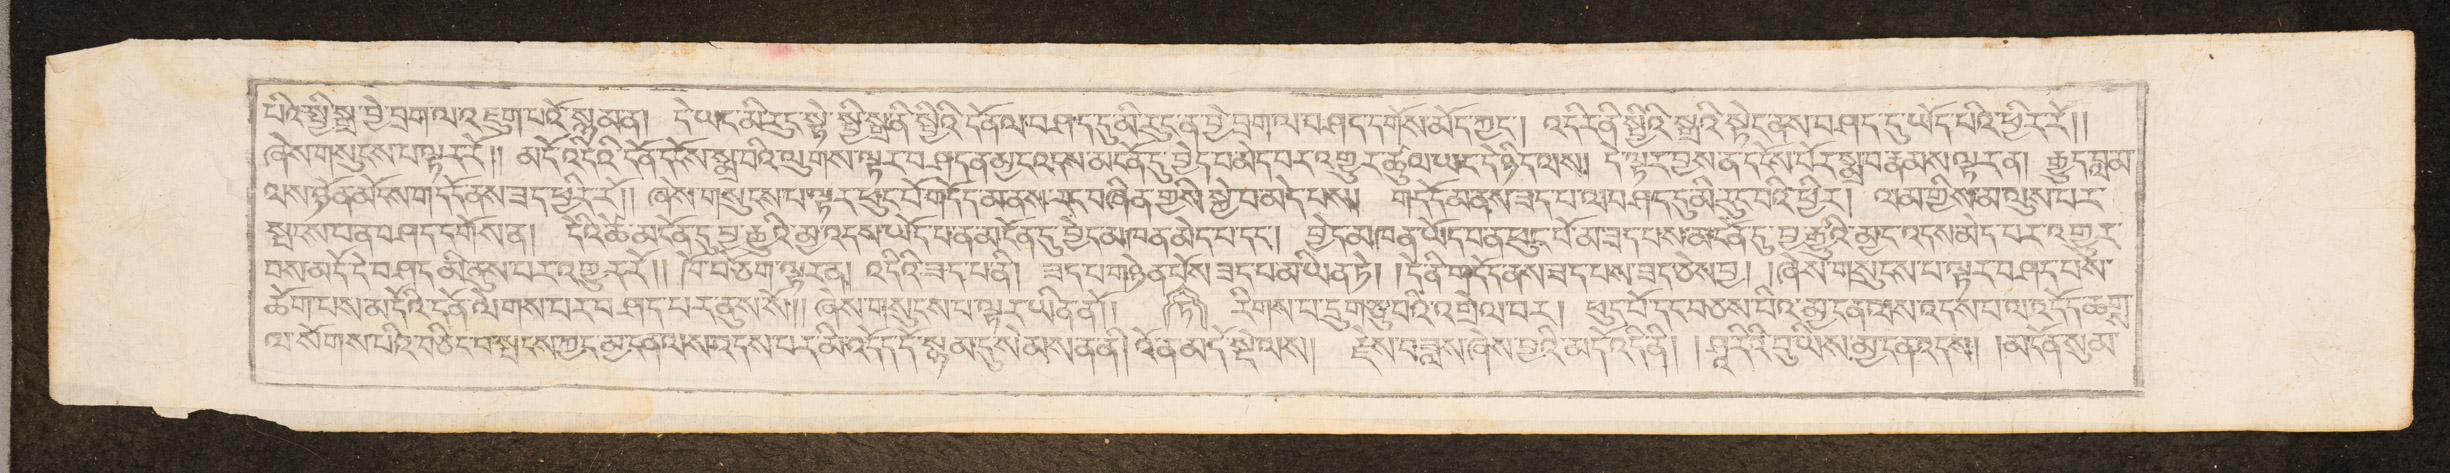པའི་སྤྱི་སྒྲ་བྱེ་བྲག་ལ་འཇུག་པའོ་སྙམ་ན། དེ་ཡང་མི་རུང་སྟེ་སྤྱི་སྒྲ་ནི་སྤྱིའི་དོན་ལ་བཤད་དུ་མི་རུང་ན་བྱེ་བྲག་ལ་བཤད་དགོས་མོད་ཀྱང་། འདིར་ནི་སྤྱིའི་སྒྲའི་སྟེང་ནས་བཤད་དུ་ཡོད་པའི་ཕྱིར་རོ།།
ཞེས་གསུངས་པ་ལྟར་རོ།། མདོ་འདིའི་དོན་དངོས་སྨྲ་བའི་ལུགས་ལྟར་བཤད་ན་མྱང་འདས་མངོན་དུ་བྱེད་པ་མེད་པར་འགྱུར་ཚུལ་ཡང་དེ་ཉིད་ལས། དེ་ལྟར་བྱས་ན་དངོས་པོར་སྨྲ་བ་རྣམས་ལྟར་ན། རྒྱུད་བླ་མ་
ལས་ཉོན་མོངས་གདོད་ནས་ཟད་ཕྱིར་རོ།། ཞེས་གསུངས་པ་ལྟར་ཕུང་པོ་གདོད་མ་ནས་རང་བཞིན་གྱིས་སྐྱེ་བ་མེད་པས། གདོད་མ་ནས་ཟད་པ་ལ་བཤད་དུ་མི་རུང་བའི་ཕྱིར། ལམ་གྱིས་མ་ལུས་པར་
སྤངས་པ་ན་བཤད་དགོས་ན། དེའི་ཚེ་མངོན་དུ་བྱ་རྒྱུའི་མྱང་འདས་ཡོད་པ་ན་མངོན་དུ་བྱེད་མཁན་མེད་པ་དང་། བྱེད་མཁན་ཡོད་པ་ན་ཕུང་པོ་མ་ཟད་པས་མངོན་དུ་བྱ་རྒྱུའི་མྱང་འདས་མེད་པར་འགྱུར་
བས་མདོ་དེ་བཤད་མི་ནུས་པར་འགྱུར་རོ།། ཁོ་བཅོས་ལྟར་ན། འདིའི་ཟད་པ་ནི། ཟད་པ་གཉེན་པོས་ཟད་པ་མ་ཡིན་ཏེ། །དེ་ནི་གདོད་ནས་ཟད་པས་ཟད་ཅེས་བྱ། །ཞེས་གསུངས་པ་ལྟར་བཤད་པས་
ཆོག་པས་མདོའི་དོན་ལེགས་པར་བཤད་པར་ནུས་སོ།། ཞེས་གསུངས་པ་ལྟར་ཡིན་ནོ།། ༼༽ཏ༼༽ རིགས་པ་དྲུག་ཅུ་པའི་འགྲེལ་བར། ཕུང་པོ་དང་བཅས་པའི་མྱ་ངན་ལས་འདས་པ་ལ་འདོད་ཆགས་
ལ་སོགས་པའི་བཅིང་བ་སྤངས་ཀྱང་མྱ་ངན་ལས་འདས་པར་མི་འདོད་དོ་སྙམ་དུ་སེམས་ན་ནི། འོ་ན་མདོ་སྡེ་ལས། རྗེས་བཟླས་ཞེས་བྱའི་མདོ་འདི་ནི། །ཤཱ་རིའི་བུ་ཡིས་མྱ་ངན་འདས། །མངོན་སུམ་